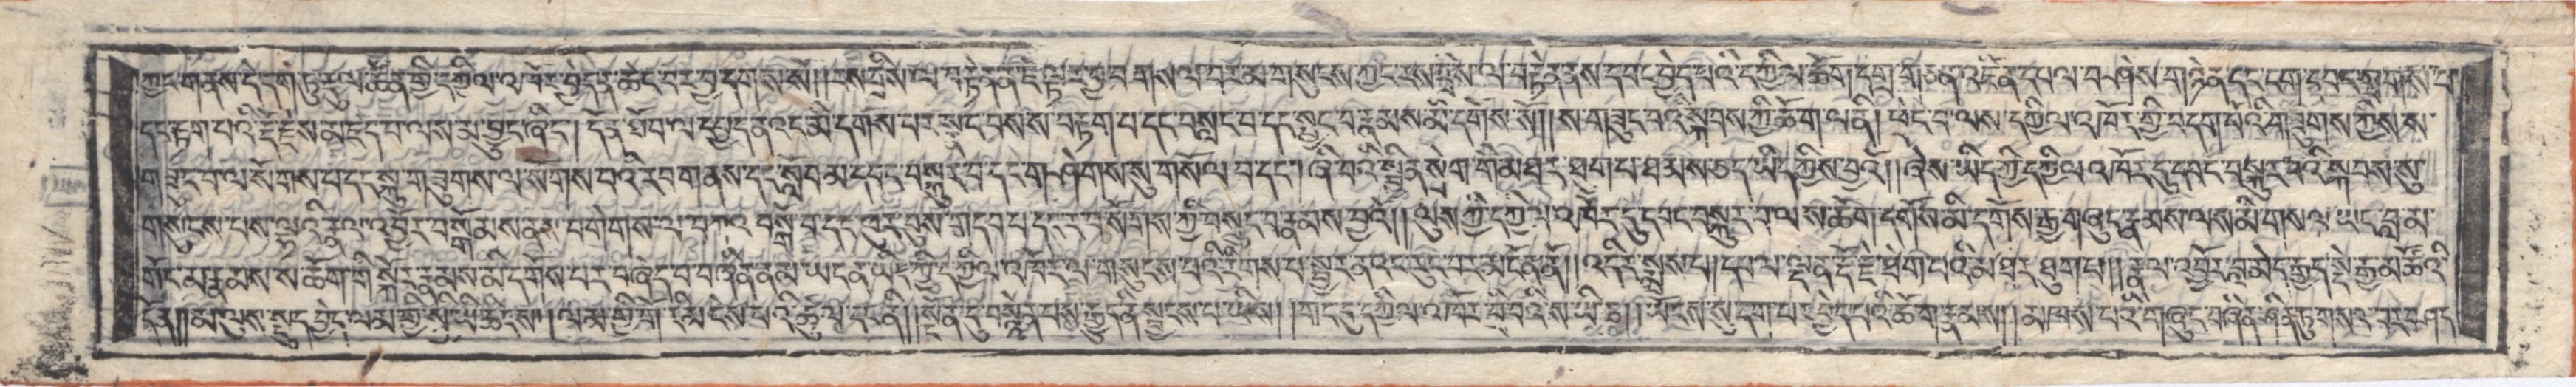ཀྱང་གནས་དེ་དག་ཏུ་རྡུལ་ཚོན་གྱི་དཀྱིལ་འཁོར་བྱེད་ན་ཆེང་བར་བྱ་དགོས་སོ། །རས་བྲིས་ལ་བརྟེན་ན་ཇི་ལྟར་བྱ་བ་གསལ་བར་མ་གསུངས་ཀྱང་རས་བྲིས་ལ་བརྟེན་ནས་དབང་བྱེད་པའི་དཀྱིལ་ཆོག་དགྲ་གཅན་འཛིན་དཔལ་བཤེས་གཉེན་དང་ངག་དབང་གྲགས་པ་
དང་རྟག་པའི་རྡོ་རྗེས་མཛད་?་པ་ལས་མ་བྱུང་ཞིང་། དོན་ཐོབ་ལ་དཔྱད་ནའང་མི་དགོས་པར་སྣང་བས་ས་བརྟག་པ་དང་བསླང་བ་དང་སྦྱང་བ་རྣམས་མི་དགོས་སོ། །ས་གཟུང་བའི་སྐབས་ཀྱི་ཆོ་ག་ལ་ནི། ཕྲེང་བ་ལས་དཀྱིལ་འཁོར་གྱི་བདག་པོའི་གཟུགས་ཀྱིས་ས་
གཟུང་བ་ལ་སོགས་པ་དང་སྐུ་གཟུགས་ལ་སོགས་པའི་རབ་གནས་དང་སློབ་མ་དབང་བསྐུར་བ་དང་གཤེགས་སུ་གསོལ་བ་དང་། ཞི་བའི་སྦྱིན་སྲེག་གི་མཐར་ཐུག་པ་ཐམས་ཅད་ཡིད་ཀྱིས་བྱའོ། །ཞེས་ཡིད་ཀྱི་དཀྱིལ་འཁོར་དུ་དབང་བསྐུར་བའི་སྐབས་སུ་
གསུངས་པས་ལྷའི་རྣལ་འབྱོར་བསྒོམས་ནས་བགེགས་ལ་བཀའ་བསྒོ་བ་དང་ཕུར་བུས་གདབ་པ་དང་ར་བ་སོགས་ཀྱི་བསྲུང་བ་རྣམས་བྱའོ། །ལུས་ཀྱི་དཀྱིལ་འཁོར་དུ་དབང་བསྐུར་བ་ལས་ཆོག་དགོས་མི་དགོས་རྒྱ་གཞུང་རྣམས་ལས་མི་གསལ་ཡང་བླ་མ་
གོང་མ་རྣམས་ས་ཆོག་གི་སྐོར་རྣམས་མི་དགོས་པར་བཞེད་པ་བཞིན་ནམ་ཡང་ན་ཡིད་ཀྱི་དཀྱིལ་འཁོར་ལ་གསུངས་པའི་རིགས་པ་སྦྱར་ནའང་རུང་བར་མངོན་ནོ། །འདིར་སྨྲས་པ། དཔལ་ལྡན་རྡོ་རྗེ་ཐེག་པའི་མཐར་ཐུག་པ། །རྣལ་འབྱོར་བླ་མེད་རྒྱད་སྡེ་རྒྱ་མཚོའི་
དོན། །མ་ལུས་སྡུད་བྱེད་ལམ་གྱི་སྤྱི་ཡི་ཆིངས། །ལམ་གྱི་གོ་རིམ་ངེས་པའི་ཚུལ་དང་ནི། །སྔོན་དུ་བསྙེན་པས་རྒྱུད་ནི་སྦྱངས་པ་ཡིས། །གང་དུ་དཀྱིལ་འཁོར་བྲི་བའི་ས་ཡི་ཆ། །ཡོངས་སུ་དག་པར་བྱེད་པའི་ཆོ་ག་རྣམས། །མཁས་པའི་གཞུང་བཞིན་ཤིན་ཏུ་གསལ་བར་བཤད་